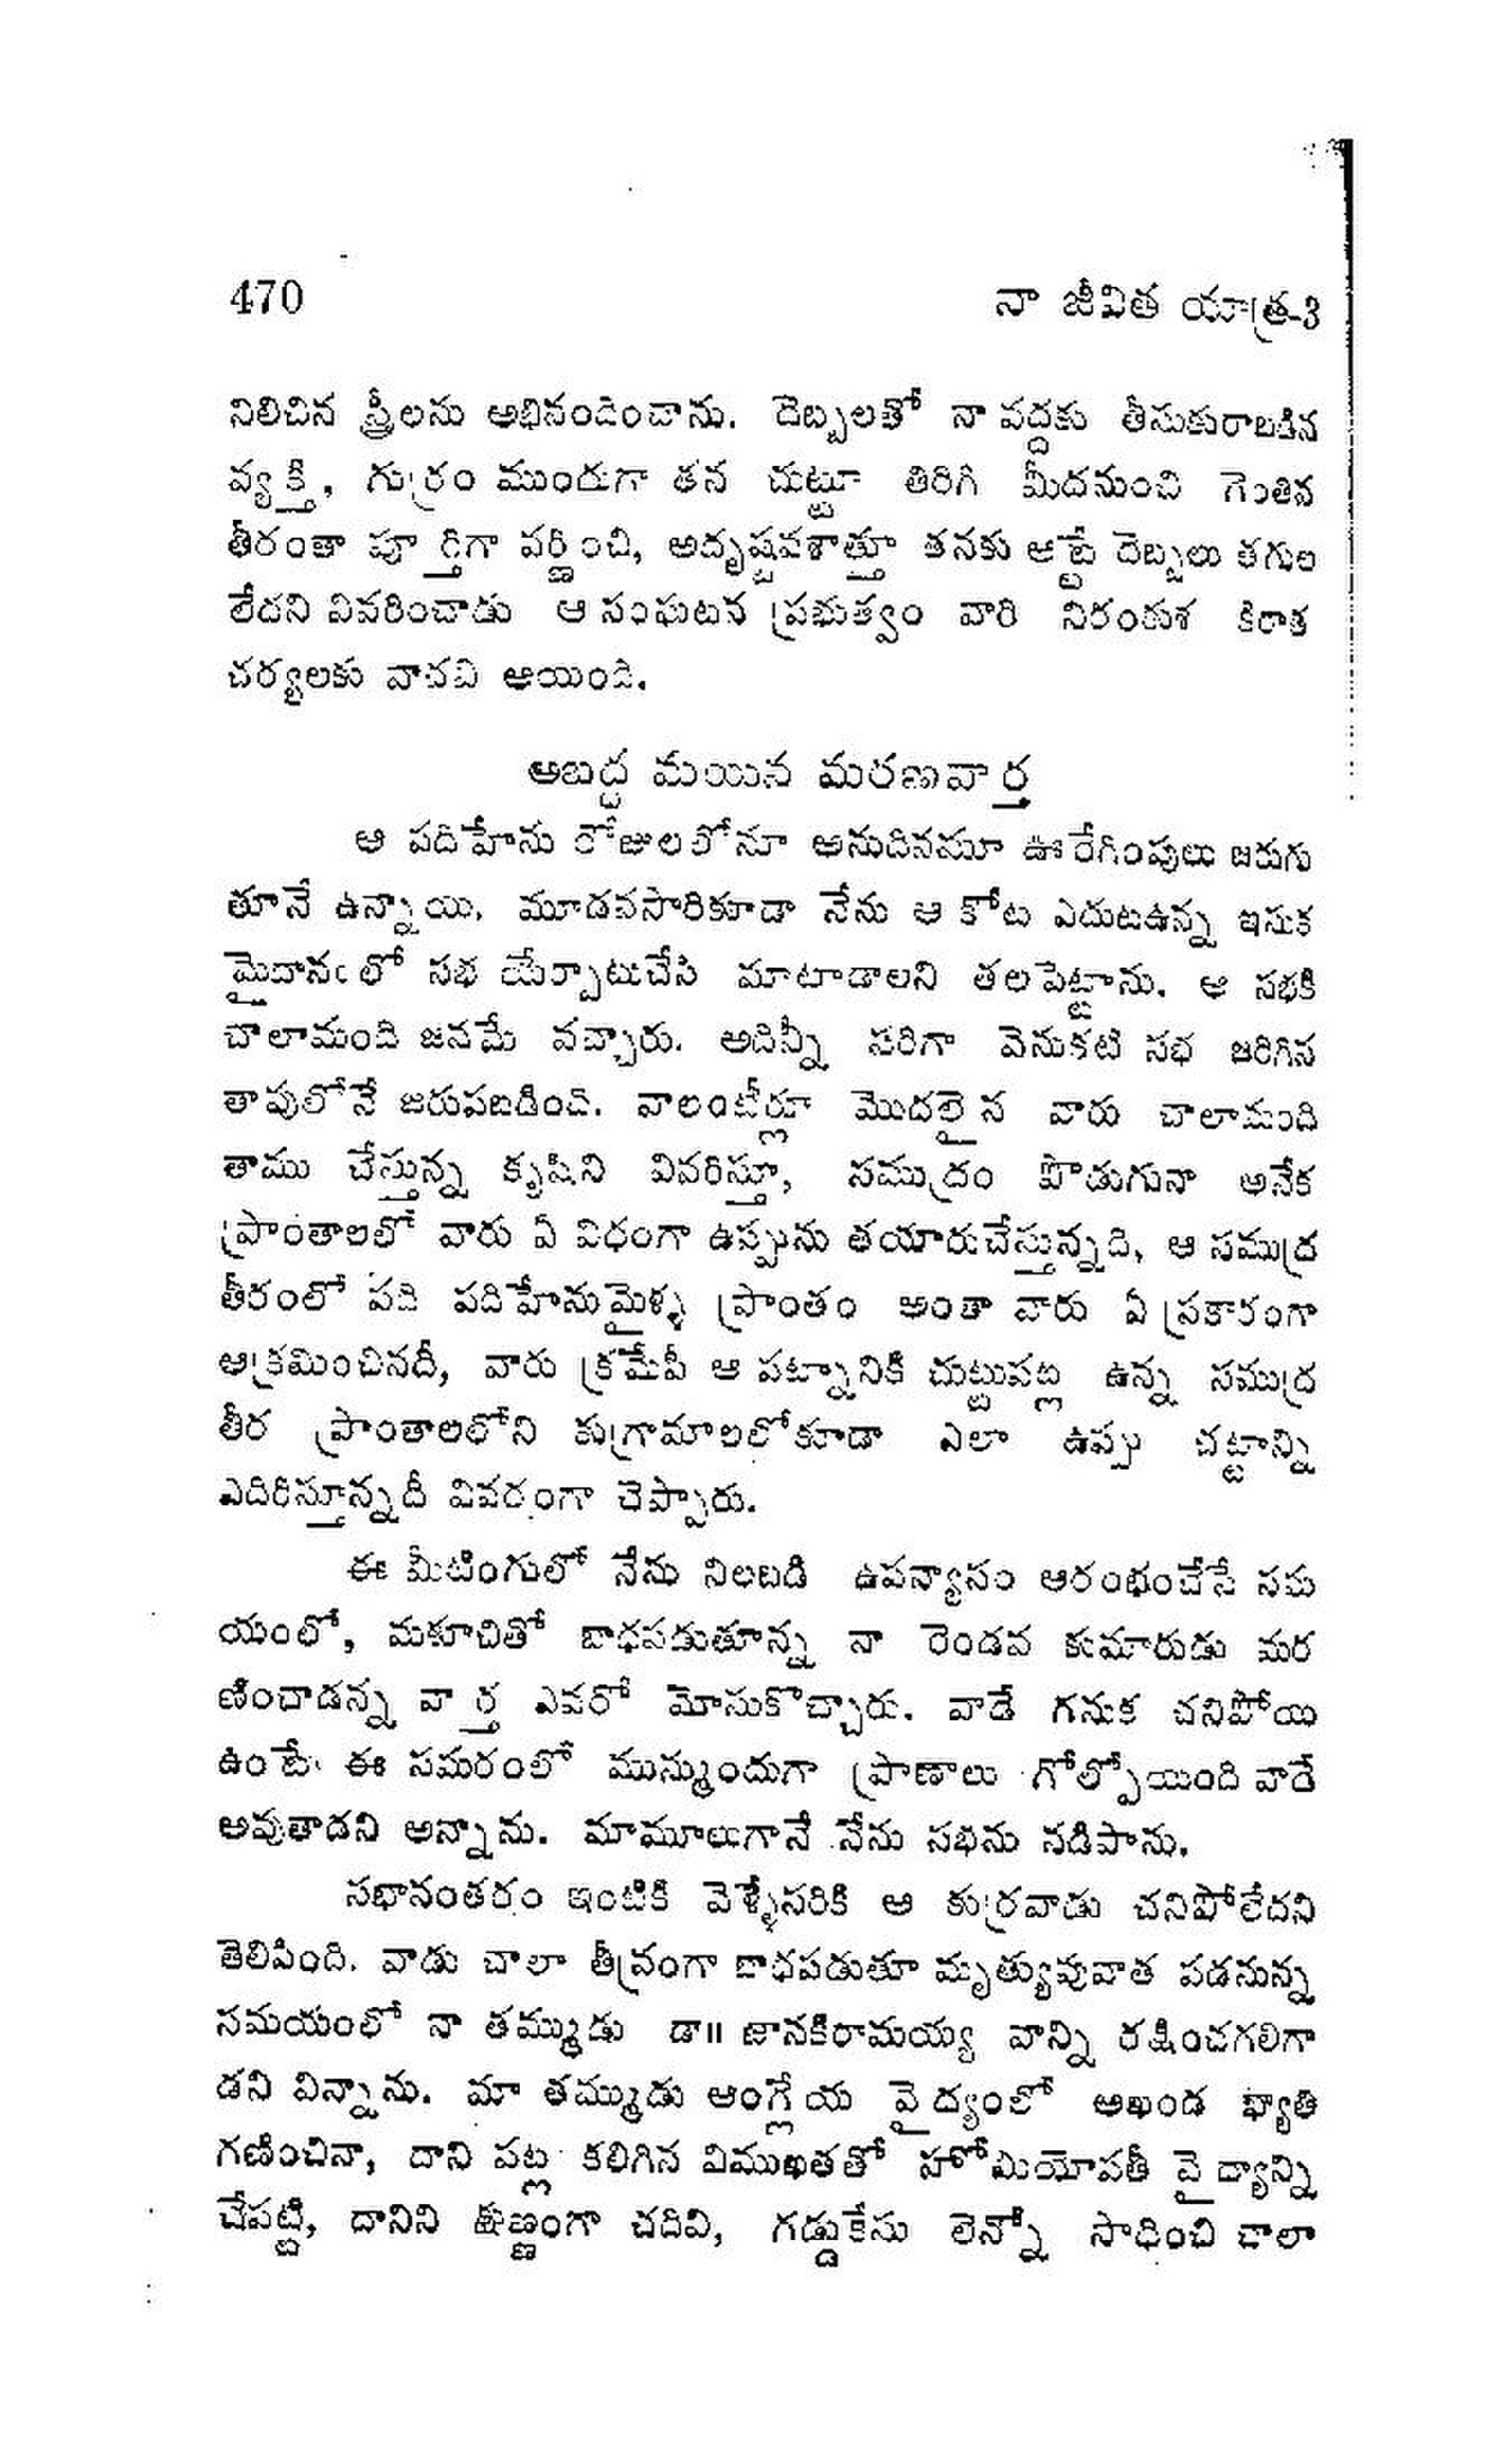నిలిచిన స్త్రీలను అభినందించాను. దెబ్బలతో నా వద్దకు తీసుకురాబడిన వ్యక్తి, గుర్రం ముందుగా తన చుట్టూ తిరిగి మీదనుంచి గెంతిన తీరంతా పూర్తిగా వర్ణించి, అదృష్టవశాత్తూ తనకు అట్టే దెబ్బలు తగులలేదని వివరించాడు ఆ సంఘటన ప్రభుత్వం వారి నిరంకుశ కిరాతచర్యలకు వాచవి అయింది.

అ పదిహేను రోజులలోను అనుదినమూ ఊరేగింపులు జరుగుతూనే ఉన్నాయి. మూడవసారికూడా నేను ఆ కోట ఎదుట ఉన్న ఇసుక మైదానంలో సభ యేర్పాటుచేసి మాటాడాలని తలపెట్టాను. ఆ సభకి చాలామంది జనమే వచ్చారు. అదిన్నీ సరిగా వెనుకటి సభ జరిగిన తావులోనే జరుపబడింది. వాలంటీర్లూ మొదలైన వారు చాలామంది తాము చేస్తున్న కృషిని వివరిస్తూ, సముద్రం పొడుగునా అనేక ప్రాంతాలలో వారు ఏ విధంగా ఉప్పును తయారుచేస్తున్నది, ఆ సముద్రతీరంలో పది పదిహేనుమైళ్ళ ప్రాంతం అంతా వారు ఏ ప్రకారంగా ఆక్రమించినదీ, వారు క్రమేపీ ఆ పట్నానికి చుట్టుపట్ల ఉన్న సముద్రతీర ప్రాంతాలలోని కుగ్రామాలలోకూడా ఎలా ఉప్పు చట్టాన్ని ఎదిరిస్తూన్నదీ వివరంగా చెప్పారు.

ఈ మీటింగులో నేను నిలబడి ఉపన్యాసం ఆరంభంచేసే సమయంలో, మశూచితో బాధపడుతూన్న నా రెండవ కుమారుడు మరణించాడన్న వార్త ఎవరో మోసుకొచ్చారు. వాడే గనుక చనిపోయి ఉంటే ఈ సమరంలో మున్ముందుగా ప్రాణాలు గోల్పోయింది వాడే అవుతాడని అన్నాను. మామూలుగానే నేను సభను నడిపాను.

సభానంతరం ఇంటికి వెళ్ళేసరికి ఆ కుర్రవాడు చనిపోలేదని తెలిసింది. వాడు చాలా తీవ్రంగా బాధపడుతూ మృత్యువువాత పడనున్న సమయంలో నా తమ్ముడు డా॥జానకిరామయ్య వాన్ని రక్షించగలిగాడని విన్నాను. మా తమ్ముడు ఆంగ్లేయ వైద్యంలో అఖండ ఖ్యాతి గణించినా, దాని పట్ట కలిగిన విముఖతతో హోమియోపతీ వైద్యాన్ని చేపట్టి, దానిని క్షుణ్ణంగా చదివి, గడ్డుకేసు లెన్నో సాధించి చాలా